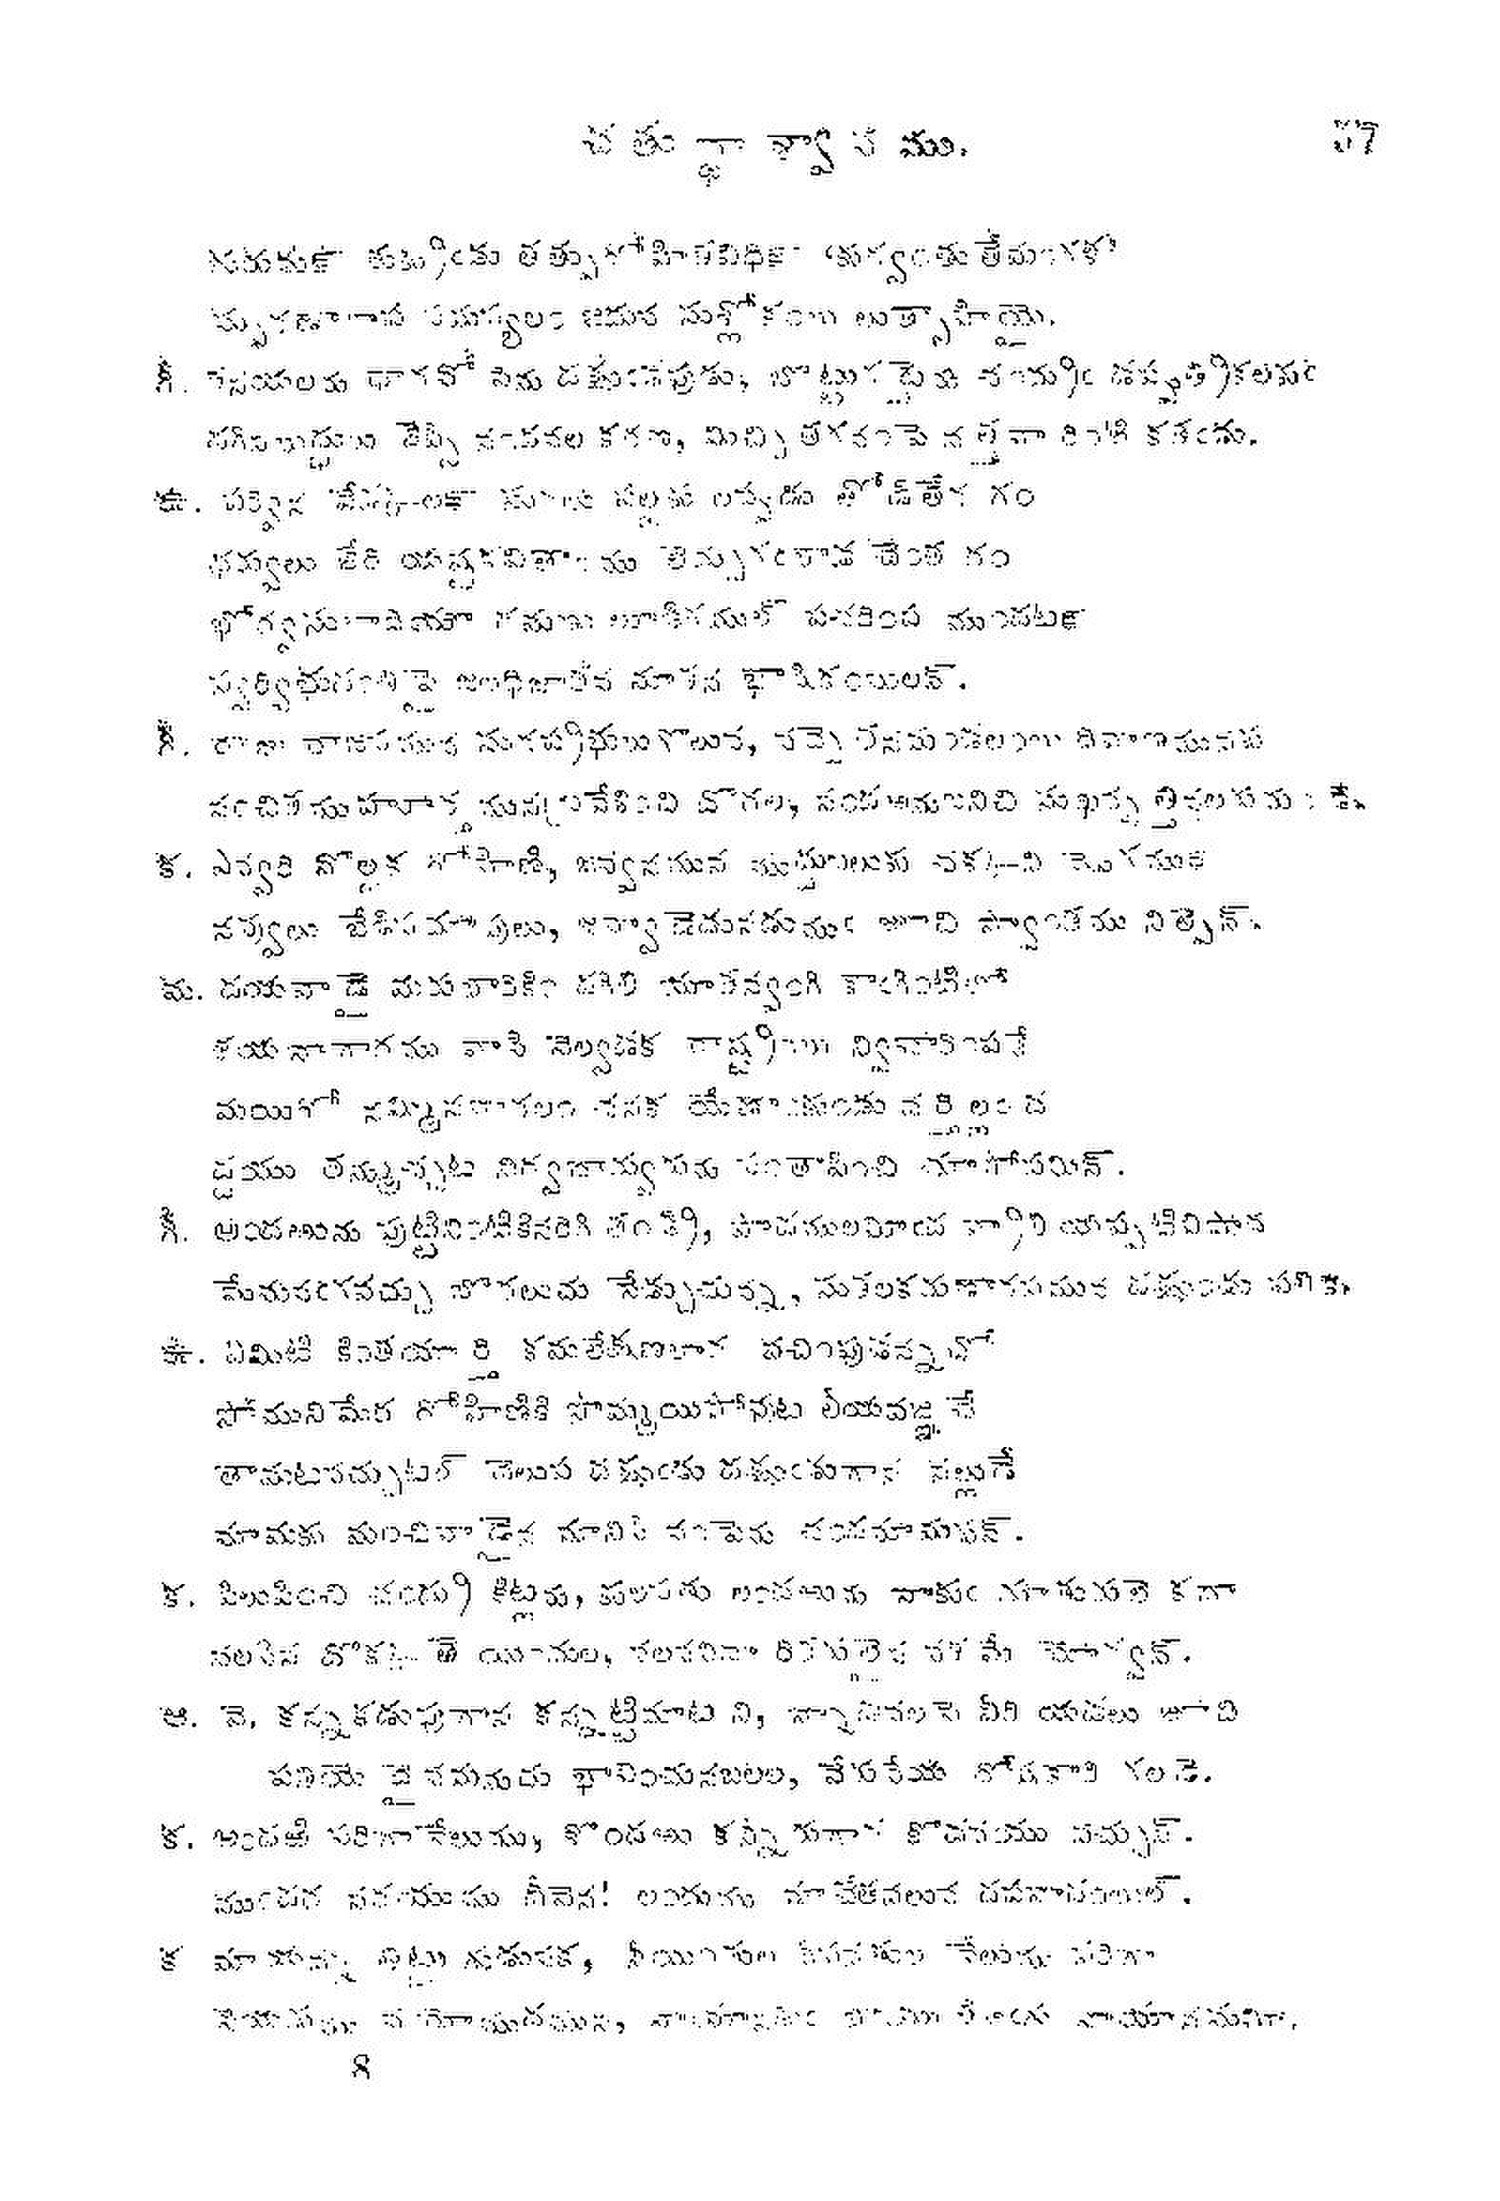గురుఁడున్ శుక్రుఁడు తత్పురోహితవిధిన్ ‘కుర్వంతు తే మంగళ’
 స్ఫురణాలాపసమస్యలం జదువ సుశ్లోకంబు లుత్సాహియై.
గీ. తనయలను ధారవోసెను దక్షుఁ డపుడు, బొట్టుగట్టెను చంద్రుఁ డప్పుత్రికలకుఁ
 దగినబుద్ధులు జెప్పి నందనల కరణ, మిచ్చి తగనంపె నత్తవారింటి కతఁడు.
ఉ. పర్విన వేడ్కలన్ సురలు పల్లకు లప్పుడు తోడితేగ గం
 ధర్వులు జేరి యష్టకవితాలము లెస్సగఁబాడ చెంత రం
 భోర్వసులాదియౌ రమణు లూడిగముల్ పచరింప ముందటన్
 స్వర్విభువంతిపై జలధిజాతన నూతనభాషికంబులన్.
గీ. రాజు రాజసమున సురప్రభులు గొలువ, వచ్చె తనమండలంబు దివాణమునకు
 సంచితముహూర్తమున బ్రవేశించి దొరల, నందఱను బనిచి సుఖవృత్తి నలరుచుండె.
క. ఎవ్వరి నొల్లక రోహిణి, జవ్వనమున ముద్దుపలుకు చక్కనిమొగమున్
 నవ్వులు బేడిసచూపులు, జవ్వాడెడునడుముఁ జూచి స్వాంతము నిల్పెన్.
మ. దయవాఁడై మరుబారికిం దగిలి యాతన్వంగి కౌఁగింటిలో
 శయనాగారము వాసి వెల్వడక రాష్ట్రంబు న్విచారింప కే
 మయిరో నమ్మినవారలం దనక యేణాంకుండు వర్తిల్లఁ ద
 ద్దయు తన్ముచ్చట నిర్వదార్వురును సంతాపించి మాసోపమిన్.
గీ. అందఱును పుట్టినింటికి నరిగి తండ్రి, పాదములమీఁద వ్రాలి యప్పటివిషాద
 మేమనఁగవచ్చు బొరలుచు నేడ్చుచున్న, సుతలకరుణారసమున దక్షుండు పలికె.
ఉ. ఏమిటి కింతయార్తి కమలేక్షణలార వచింపుడన్నచో
 సోమునిమేర రోహిణికి సొమ్మయిపోవుట లీయవజ్ఞచే
 తామట వచ్చుటల్ దెలుప దక్షుఁడు దక్షుఁడుగాన నల్లుడే
 మామకు మంచిఁడైన మానిసి నంపెను చందమామకున్.
క. పిలుపించి చంద్రు కిట్లను, కులవతు లందఱును నాకుఁ గూఁతురులె కదా
 వలసిన దొక్కతె యిందుల, వలవనివా రితరులైన వశమే యోర్వన్.
ఆ. కన్నకడుపుగాన కన్నట్టిమాట ని, న్నాడవలసె వీరి యడలు జూచి
 పతియె దైవ మనుచు భావించునబలల, వేరుసేయ దోషకారి గలడె.
క. అందఱి సరిగా నేలుము, కొందఱు కన్నీరుగార కొదవయు వచ్చున్
 ముందర సరయుము దీవెన! లందుము మాచేత వలువ దపవాదంబుల్.
క. మాయన్న తిట్టు గుడుపక, నీయింతుల నీసవతుల నేలుము సరిగా
 సెయడుము వయోముదమున, నాయానతిఁ బాయు తెఱఁగు నాయానసుమీ.